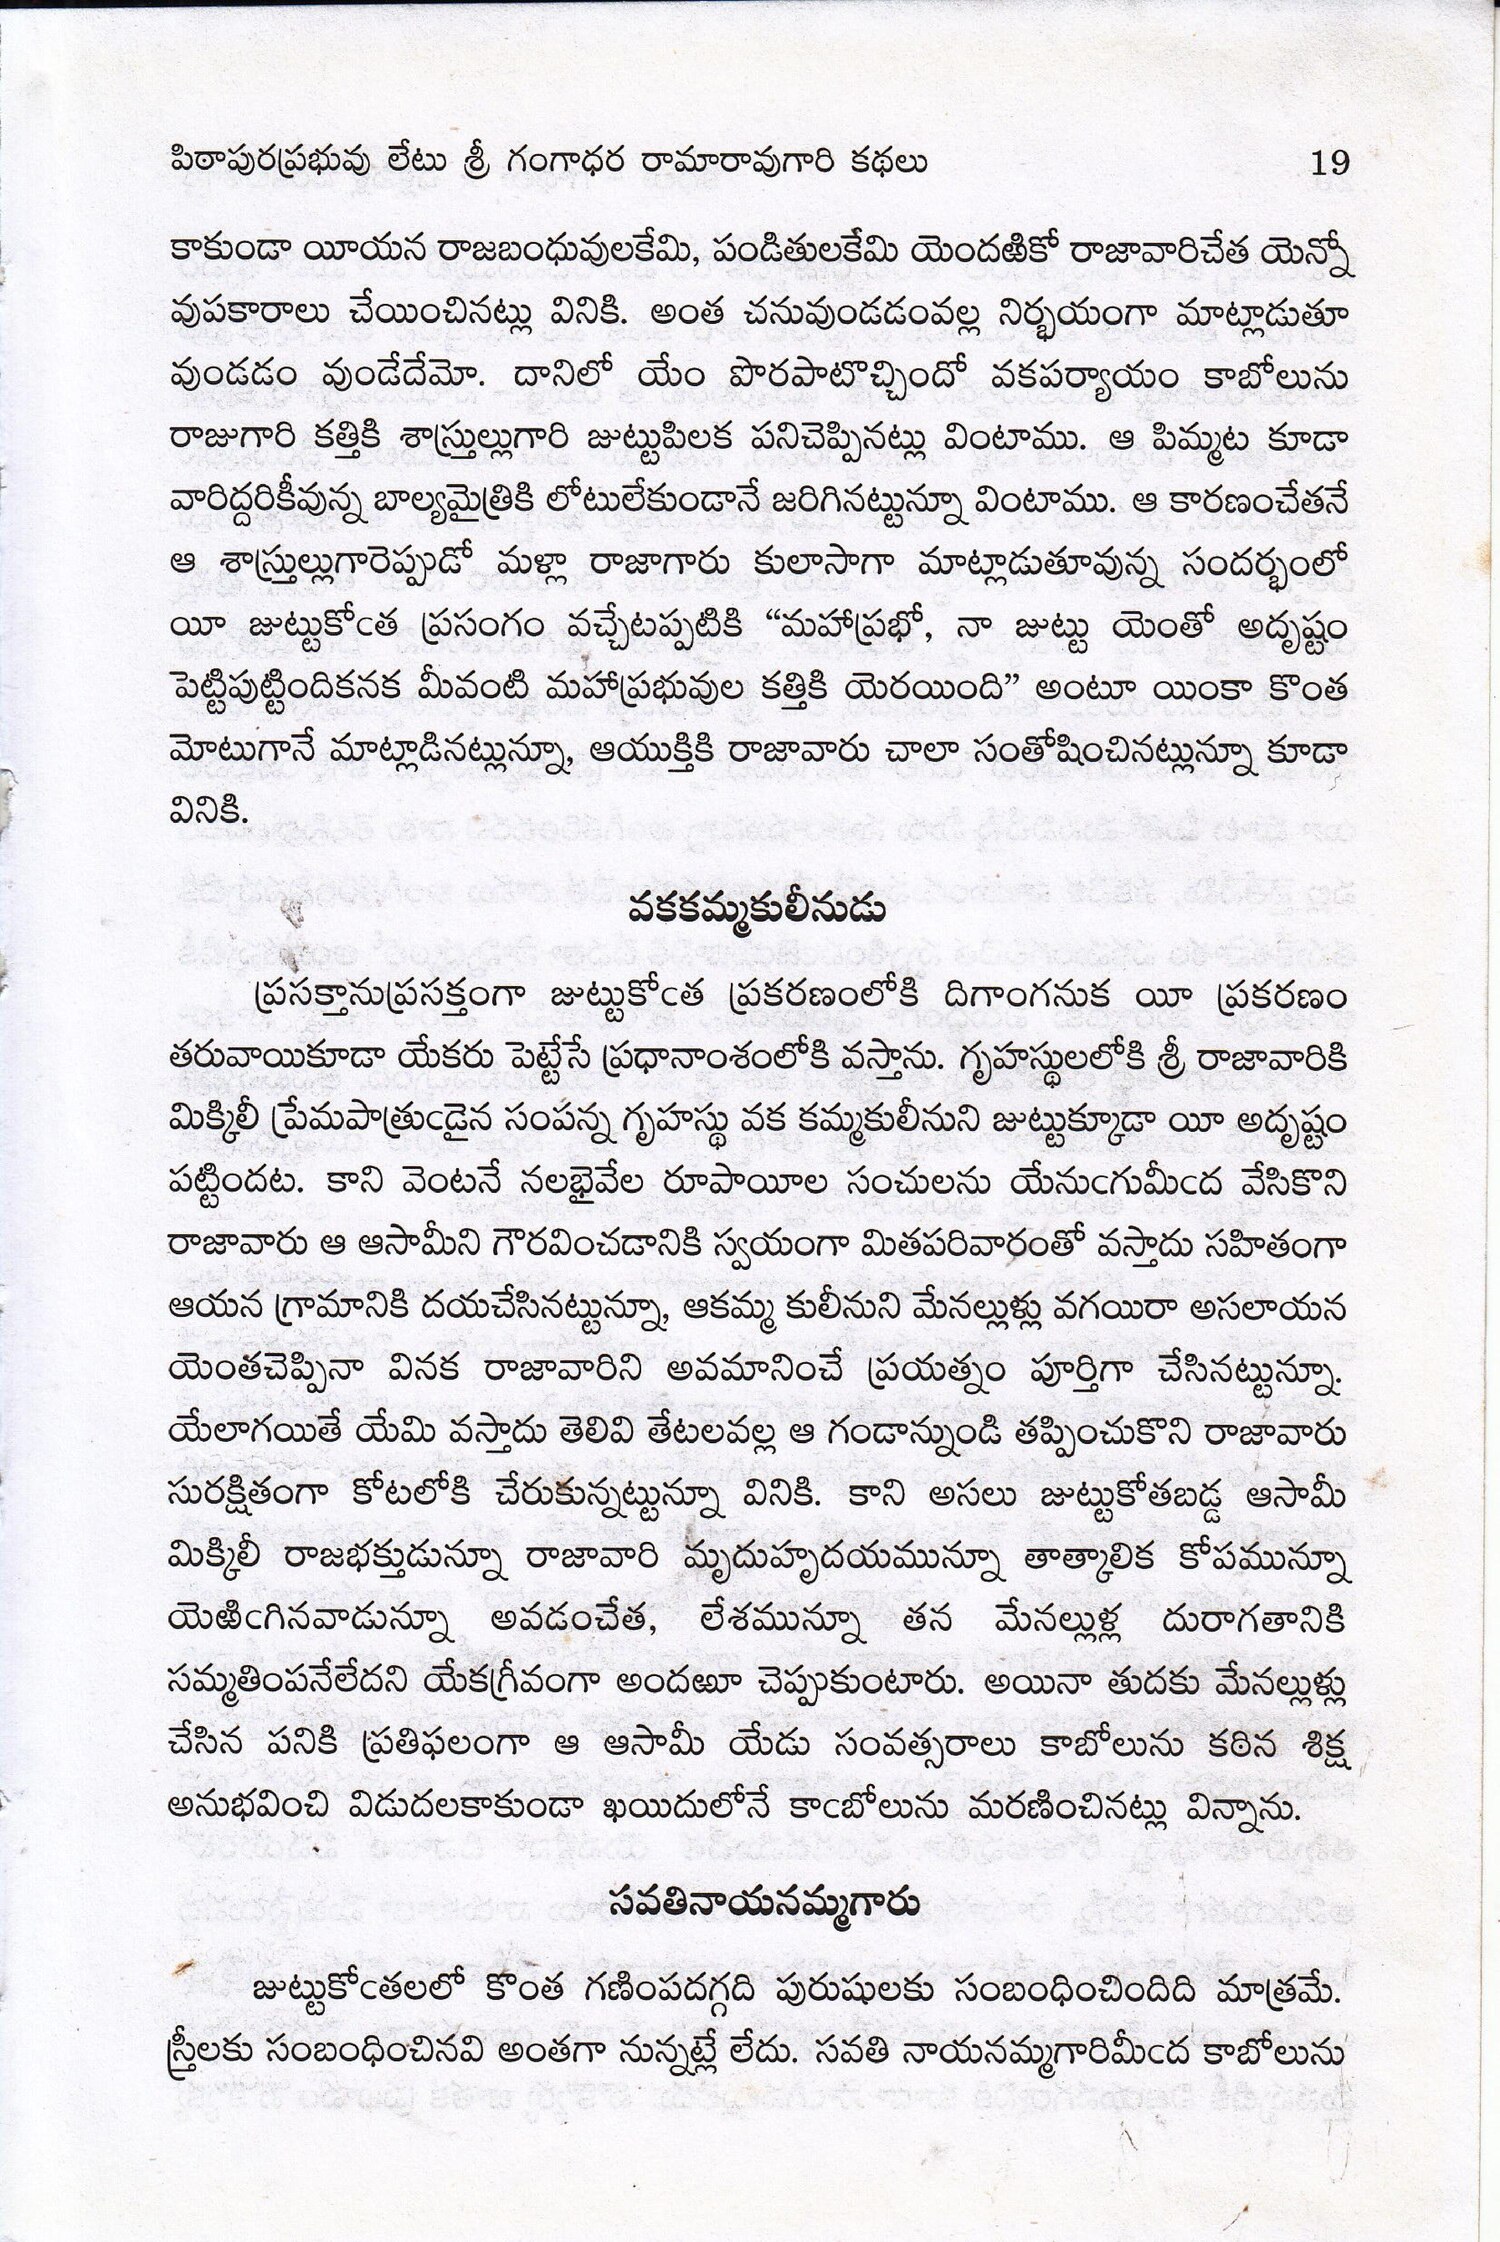కాకుండా యీయన రాజబంధువులకేమి, పండితులకేమి యెందటికో రాజావారిచేత యెన్నో వుపకారాలు చేయించినట్లు వినికి. అంత చనువుండడంవల్ల నిర్భయంగా మాట్లాడుతూ వుండడం వుండేదేమో. దానిలో యేం పొరపాటొచ్చిందో వకపర్యాయం కాబోలును రాజుగారి కత్తికి శాస్త్రుల్లుగారి జుట్టుపిలక పనిచెప్పినట్లు వింటాము. ఆ పిమ్మట కూడా వారిద్దరికీవున్న బాల్యమైత్రికి లోటులేకుండానే జరిగినట్టున్నూ వింటాము. ఆ కారణంచేతనే ఆ శాస్రుల్లుగారెప్పడో మళ్లా రాజాగారు కులాసాగా మాట్లాడుతూవున్న సందర్భంలో యీ జుట్టుకోఁత ప్రసంగం వచ్చేటప్పటికి “మహాప్రభో, నా జుట్టు యెంతో అదృష్టం పెట్టిపుట్టిందికనక మీవంటి మహాప్రభువుల కత్తికి యెరయింది” అంటూ యింకా కొంత మోటుగానే మాట్లాడినట్లున్నూ ఆయుక్తికి రాజావారు చాలా సంతోషించినట్లున్నూ కూడా వినికి.

ప్రసక్తానుప్రసక్తంగా జుట్టుకోఁత ప్రకరణంలోకి దిగాంగనుక యీ ప్రకరణం తరువాయికూడా యేకరు పెట్టేసే ప్రధానాంశంలోకి వస్తాను. గృహస్తులలోకి శ్రీ రాజావారికి మిక్కిలీ ప్రేమపాత్రుఁడైన సంపన్న గృహస్థు వక కమ్మకులీనుని జుట్టుక్కూడా యీ అదృష్టం పట్టిందట. కాని వెంటనే నలభైవేల రూపాయిల సంచులను యేనుఁగుమీఁద వేసికొని రాజావారు ఆ ఆసామీని గౌరవించడానికి స్వయంగా మితపరివారంతో వస్తాదు సహితంగా ఆయన గ్రామానికి దయచేసినట్టున్నూ ఆకమ్మ కులీనుని మేనల్లుళ్లు వగయిరా అసలాయన యెంతచెప్పినా వినక రాజావారిని అవమానించే ప్రయత్నం పూర్తిగా చేసినట్టున్నూ యేలాగయితే యేమి వస్తాదు తెలివి తేటలవల్ల ఆ గండాన్నుండి తప్పించుకొని రాజావారు సురక్షితంగా కోటలోకి చేరుకున్నట్టున్నూ వినికి. కాని అసలు జుట్టుకోతబడ్డ ఆసామీ మిక్కిలీ రాజభక్తుడున్నూ రాజావారి మృదుహృదయమున్నూ తాత్కాలిక కోపమున్నూ యెఱింగినవాడున్నూ అవడంచేత, లేశమున్నూ తన మేనల్లుళ్ల దురాగతానికి సమ్మతింపనేలేదని యేకగ్రీవంగా అందఱూ చెప్పకుంటారు. అయినా తుదకు మేనల్లుళ్లు చేసిన పనికి ప్రతిఫలంగా ఆ ఆసామీ యేడు సంవత్సరాలు కాబోలును కఠిన శిక్ష అనుభవించి విడుదలకాకుండా ఖయిదులోనే కాంబోలును మరణించినట్లు విన్నాను.

జుట్టుకోఁతలలో కొంత గణింపదగ్గది పురుషులకు సంబంధించిందిది మాత్రమే. స్త్రీలకు సంబంధించినవి అంతగా నున్నట్లే లేదు. సవతి నాయనమ్మగారిమీఁద కాబోలును